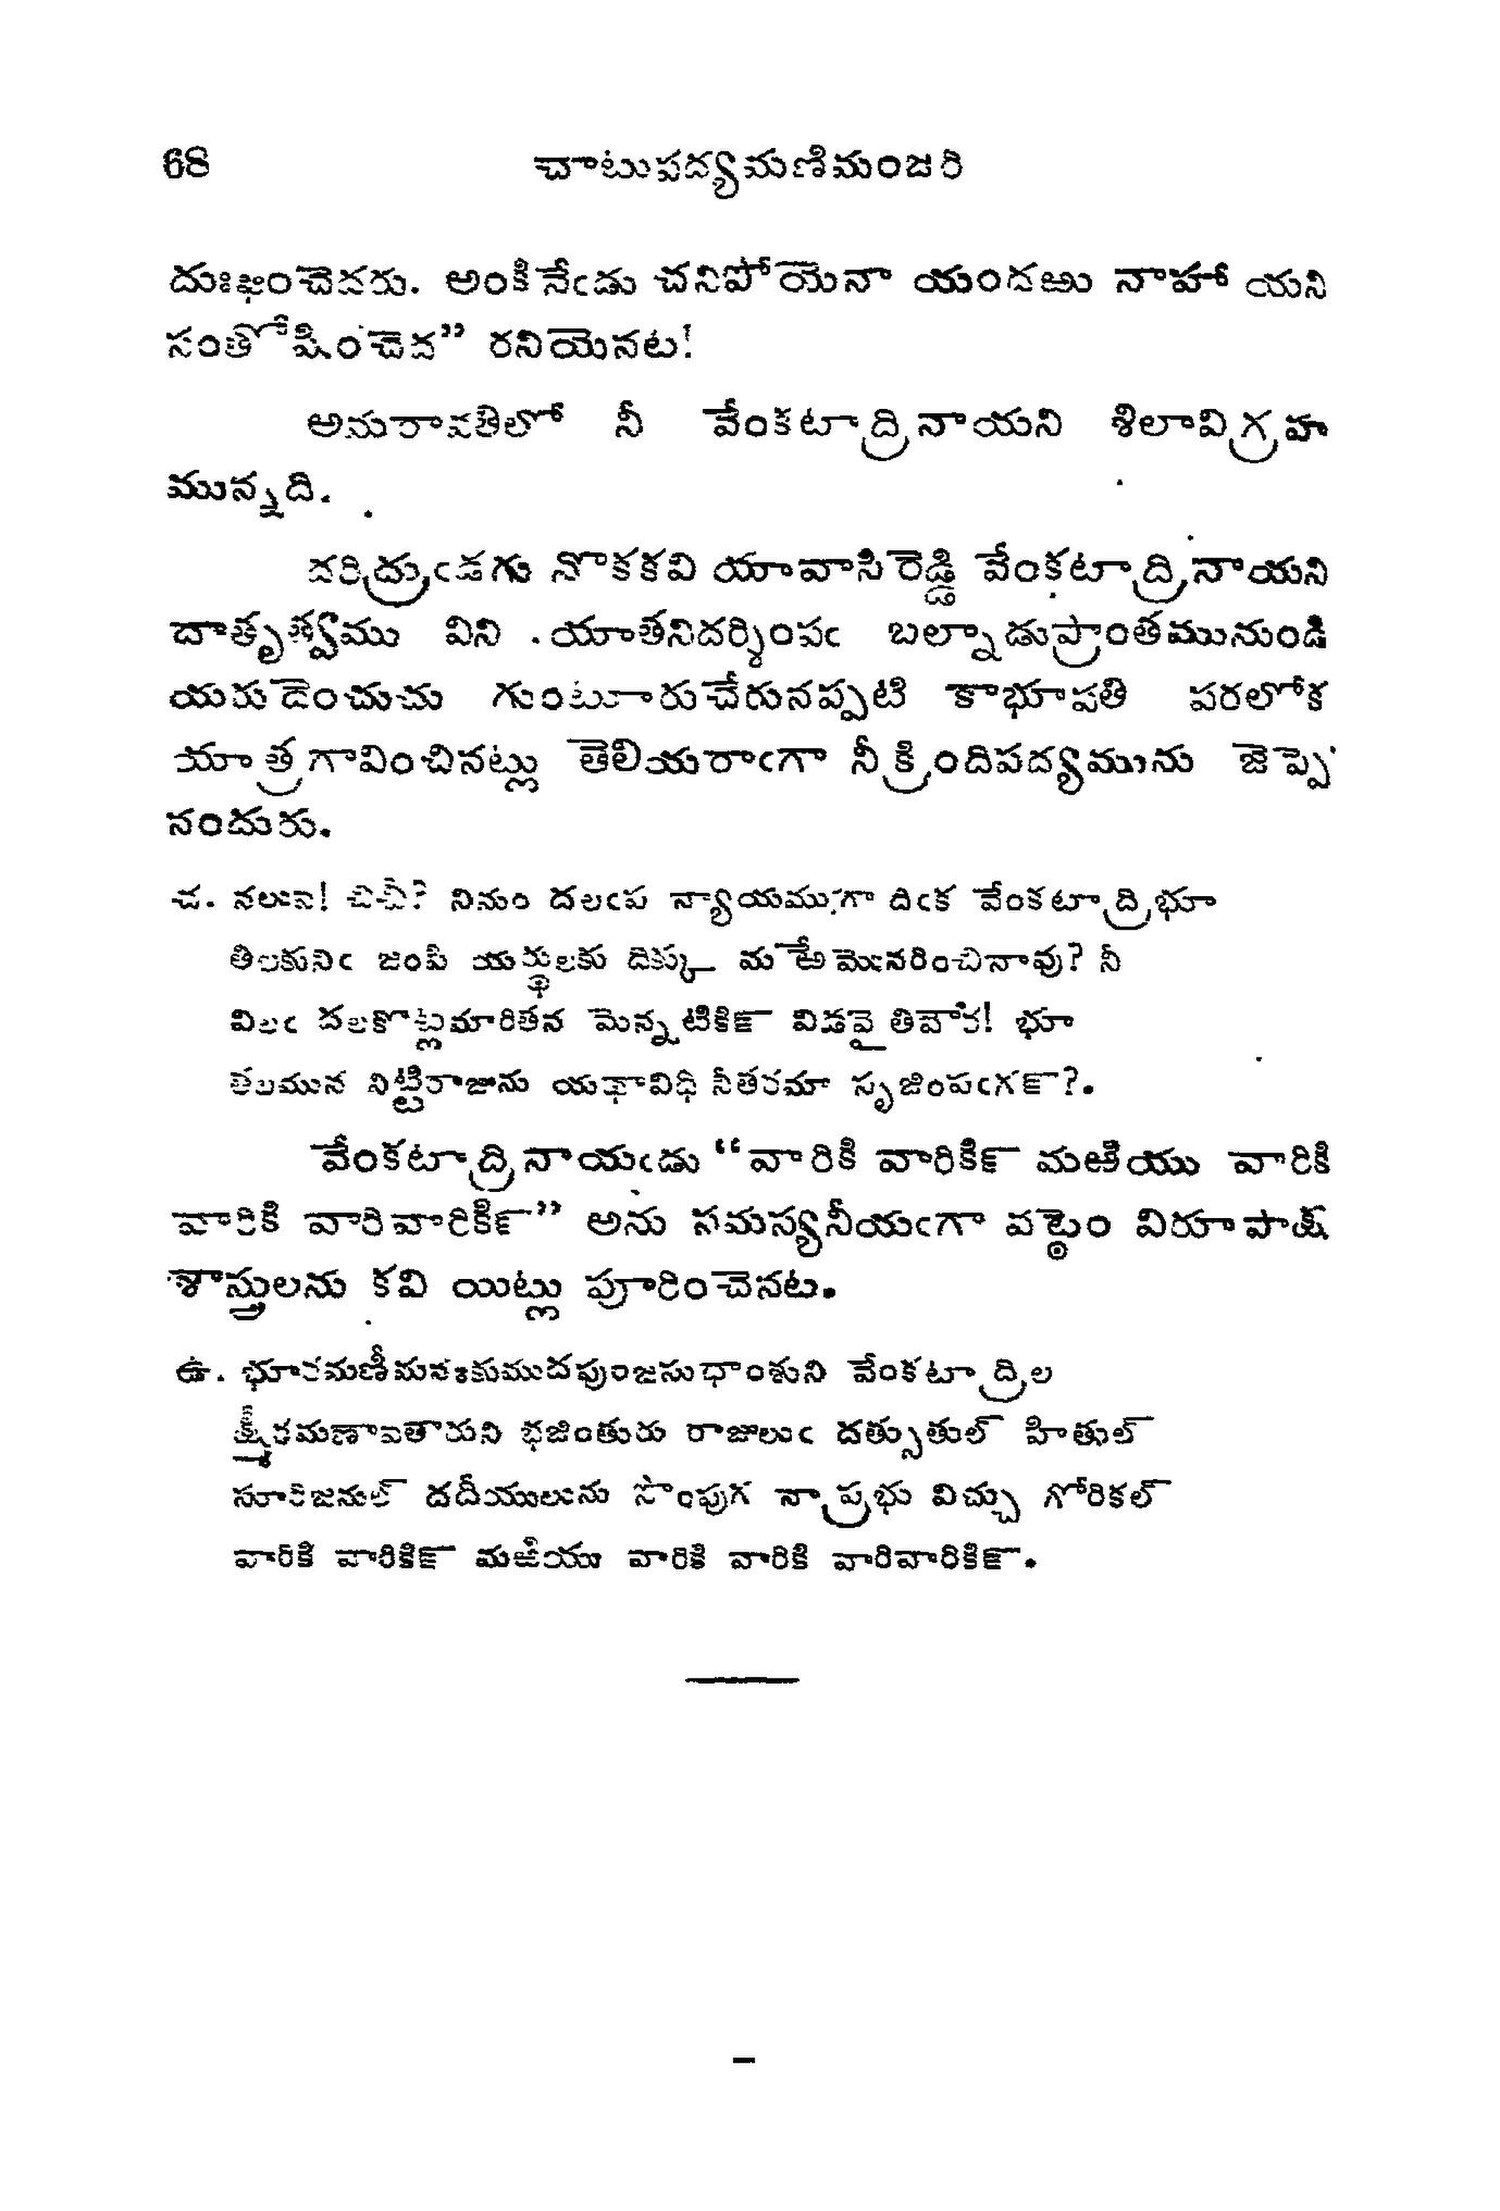దుఃఖించెదరు. అంకినేఁడు చనిపోయెనా యందఱు నాహా యని సంతోషించెద’ రనియెనఁట!

అమరావతిలో నీ వేంకటాద్రినాయని శిలావిగ్రహ మున్నది.

దరిద్రుఁడగు నొకకవి యావాసిరెడ్డి వేంకటాద్రినాయని దాతృత్వము విని యాతని దర్శింపఁ బల్నాడుప్రాంతమునుండి యరుదెంచుచు గుంటూరు చేరునప్పటి కాభూపతి పరలోకయాత్ర గావించినట్లు తెలియరాఁగా నీక్రిందిపద్యమును జెప్పెనందురు.
చ. నలువ! చిచీ! నినుం దలఁప న్యాయముగా దిఁక వేంకటాద్రిభూ
 తిలకునిఁ జంపి యర్థులకు దిక్కు మఱేమొనరించినావు? నీ
 విలఁదలకొట్లమారితన మెన్నఁటికిన్ విడవైతి వౌర! భూ
 తలమున నిట్టిరాజును యథావిధి నీతరమా సృజింపఁగన్?
వేంకటాద్రినాయఁడు ‘వారికి వారికిన్ మఱియు వారికి వారికి వారివారికిన్’ అను సమస్యనీయఁగా వట్ఠెం విరూపాక్షశాస్త్రు లనుకవి యిట్లు పూరించెనఁట.
ఉ. భూరమణీమనఃకుముదపుంజసుధాంశుని వేంకటాద్రిల
 క్ష్మీరమణావతారుని భజింతురు రాజులుఁ దత్సుతున్ హితుల్
 సూరిజనుల్ తదీయులును సొంపుగ నాప్రభు విచ్చుఁ గోరికల్
 వారికి వారికిన్ మఱియు వారికి వారికి వారివారికిన్.